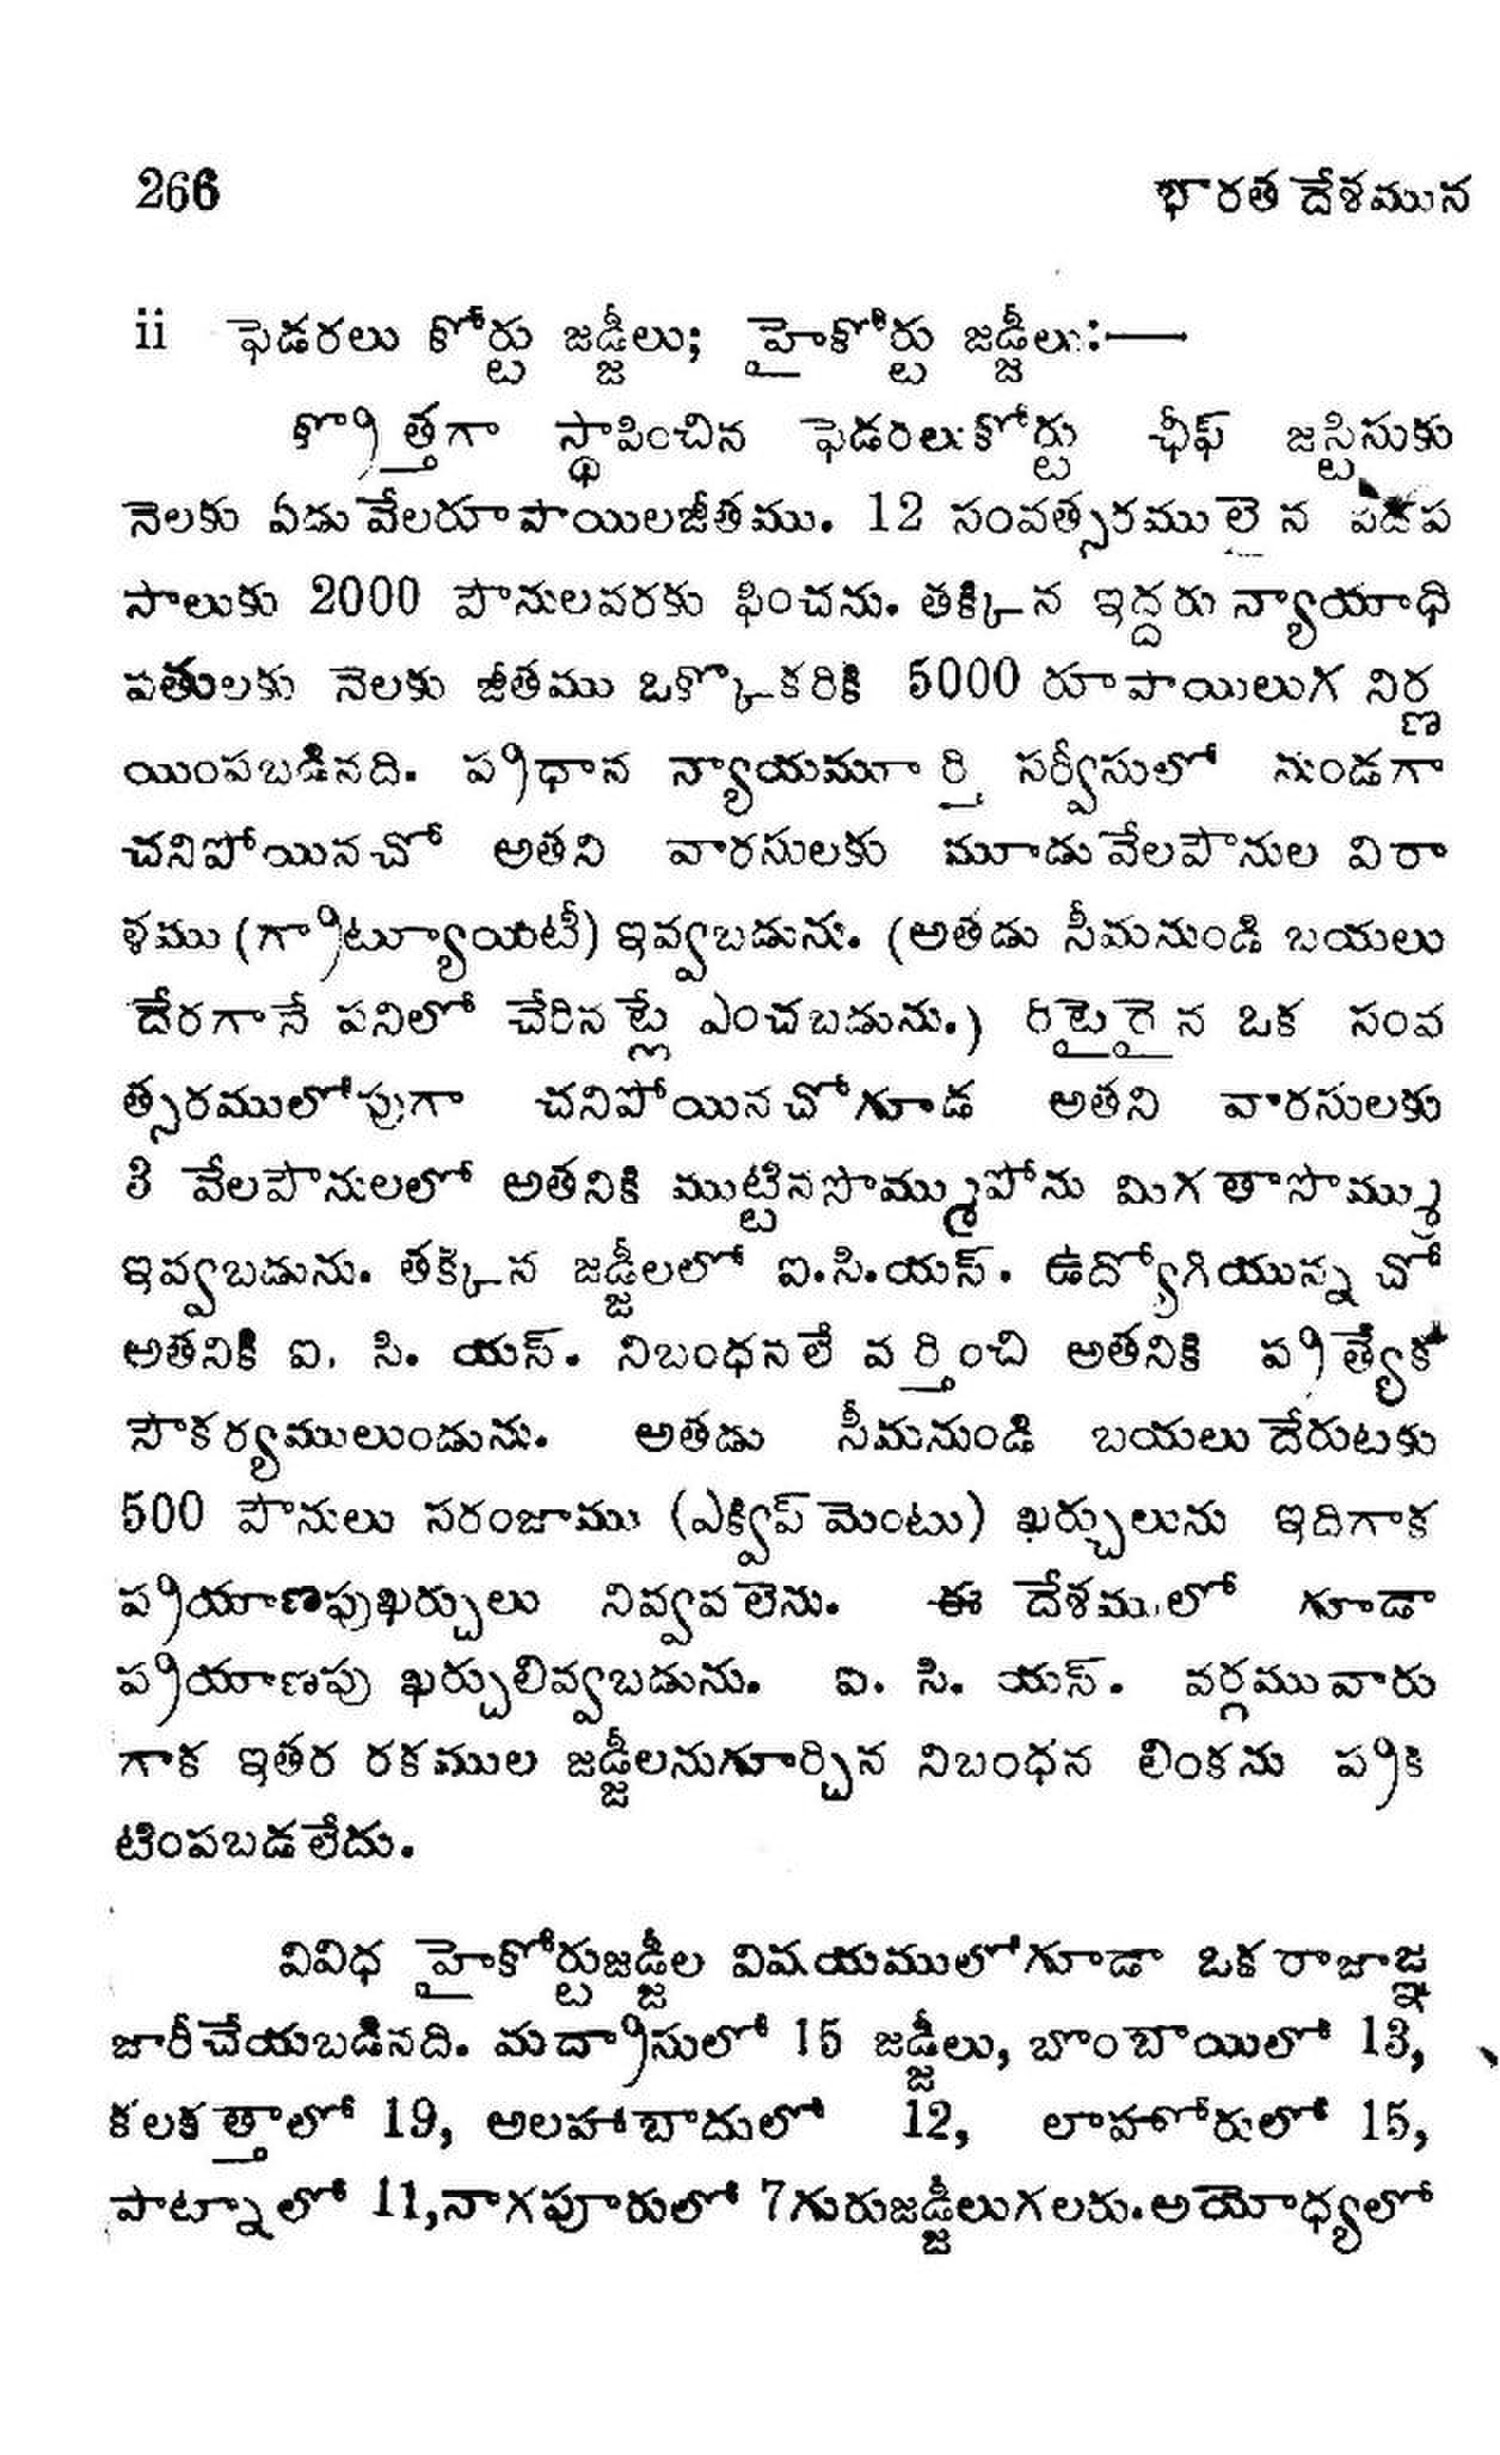ii ఫెడరలు కోర్టు జడ్జీలు; హైకోర్టు జడ్జీల:-

క్రొత్తగా స్థాపించిన ఫెడరలకోర్టు చీఫ్ జస్టిసుకు నెలకు ఏడువేలరూపాయిలజీతము. 12 సంవత్సరములైన పిదప సాలుకు 2000 పౌనులవరకు ఫించను. తక్కిన ఇద్దరు న్యాయాధిపతులకు నెలకు జీతము ఒక్కొకరికి 5000 రూపాయిలుగ నిర్ణయింపబడినది. ప్రధాన న్యాయమూర్తి సర్వీసులో నుండగా చనిపోయినచో అతని వారసులకు మూడువేలపౌనుల విరాళము (గ్రాట్యూయిటీ) ఇవ్వబడును. (అతడు సీమనుండి బయలుదేరగానే పనిలో చేరినట్లే ఎంచబడును.) రిటైరైన ఒక సంవత్సరములోపుగా చనిపోయినచోగూడ అతని వారసులకు 3 వేల పౌనులలో అతనికి ముట్టిన సొమ్ముపోను మిగతాసొమ్ము ఇవ్వబడును. తక్కిన జడ్జీలలో ఐ.సి.యస్ . ఉద్యోగియున్నచో అతనికి ఐ. సి. యస్. నిబంధనలే వర్తించి అతనికి ప్రత్యేక సౌకర్యములుండును. అతడు సీమనుండి బయలు దేరుటకు 500 పౌనులు సరంజాము (ఎక్విప్‌మెంటు) ఖర్చులును ఇదిగాక ప్రయాణపుఖర్చులు నివ్వవలెను. ఈ దేశములో గూడా ప్రయాణపు ఖర్చులివ్వబడును. ఐ. సి. యస్. వర్గమువారు గాక ఇతర రకముల జడ్జీలనుగూర్చిన నిబంధన లింకను ప్రకిటింపబడలేదు.

వివిధ హైకోర్టుజడ్జీల విషయములోగూడా ఒకరాజాజ్ఞ జారీచేయబడినది. మద్రాసులో 15 జడ్జీలు, బొంబాయిలో 13, కలకత్తాలో 19, అలహాబాదులో 12, లాహోరులో 15, పాట్నాలో 11,నాగపూరులో 7గురుజడ్జీలుగలరు. అయోధ్యలో